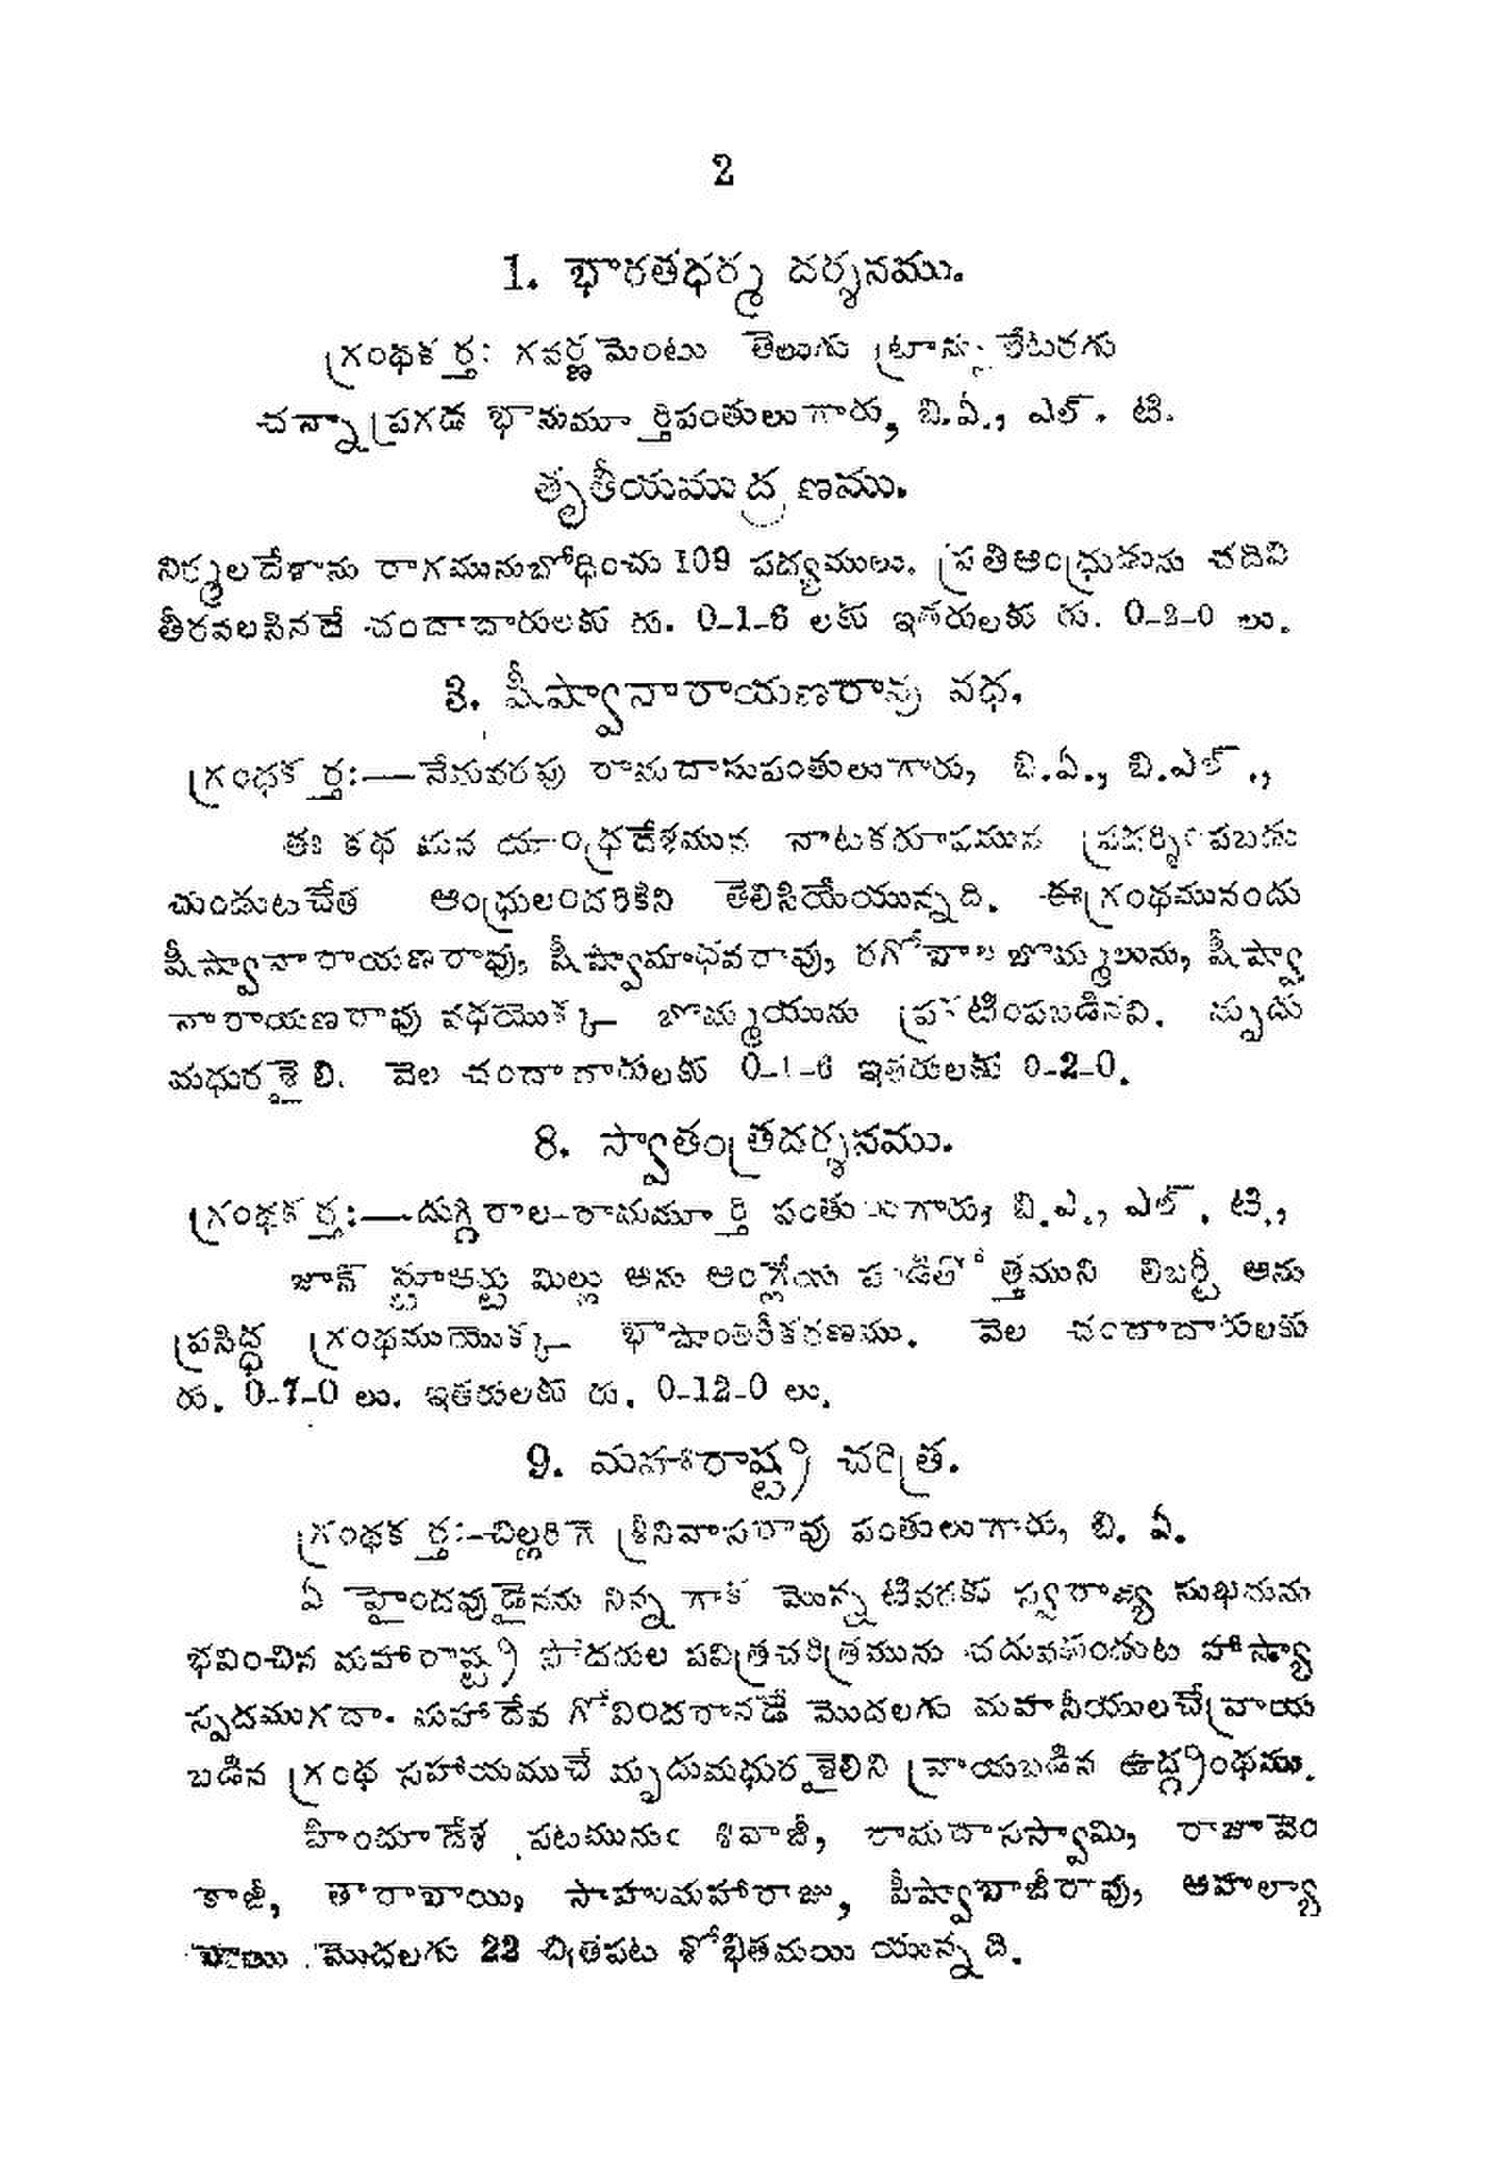1. భారతధర్మ దర్శనము.

గ్రంథకర్త: గవర్ణమెంటు తెలుగు ట్రాన్సులేటరగు చన్నాప్రగడ భానుమూర్తిపంతులుగారు, బి.ఏ., ఎల్ , టి.

తృతీయముద్రణము. 

నిర్మలదేశాను రాగమునుబోధించు 109 పద్యములు. ప్రతిఆంధ్రుడును చదివి తీరవలసినదే చందాదారులకు రు. 0-1-6 లకు ఇతరులకు రు. 0-2-0 లు.

3. షీష్వానారాయణరావు వధ. 

గ్రంథకర్త:-- నేమవరపు రామదాసుపంతులుగారు, బి.ఏ., బి.ఎల్.,

ఈ కథ మన యాంధ్రదేశమున నాటకరూపమున ప్రదర్శింపబడు చుండుటచేత ఆంధ్రులందరికిని తెలిసియేయున్నది. ఈగ్రంథమునందు పీష్వానారాయణరావు, పీష్వామాధవరావు, రగోబాల బొమ్మలును, షీష్వా నారాయణరావు వధయొక్క బొమ్మయును ప్రకటింపబడినవి. మృదుమధురశైలి. వెల చందాదారులకు 0-1 -6 ఇతరులకు 0.2–0.

8. స్వాతంత్ర్యదర్శనము. 

గ్రంథకర్త:- దుగ్గిరాల రామమూర్తి పంతులుగారు, బి.ఎ., ఎల్ , టి,,

జాన్ స్టూఆర్టు మిల్లు ఆసు ఆంగ్లేయ పండితోత్తముని లిబర్టీ అను ప్రసిద్ధ గ్రంథముయొక్క, భాషాంతరీకరణము. నెల చందాదారులకు రు. 0-7-0 లు. ఇతరులకు రు. 0-12-0 లు..

9. మహారాష్ట్ర చరిత్ర. 

గ్రంథకర్త:-చిల్లరిగె శ్రీనివాసరావు పంతులుగారు, బి. ఏ.

ఏ హైందవుడైనను నిన్న గాక మొన్నటివరకు స్వరాజ్య సుఖమనుభవించిన మహారాష్ట్ర సోదరుల పవిత్రచరిత్రమును చదువుకుండుట హాస్యాస్పదముగదా. మహాదేవ గోవిందరానడే మొదలగు మహనీయులచేవ్రాయబడిన గ్రంథ సహాయముచే మృదుమధుర శైలిని వ్రాయబడిన ఉద్గ్రంథము.

హిందూదేశ పటమునుఁ శివాజీ, రామదాసస్వామి, రాజావెంకాజీ, తారాబాయి, సాహుమహారాజు, పీష్వాబాజీరావు, అహల్యాబాయి మొదలగు 22 చిత్రపట శోభితమయి యున్నది